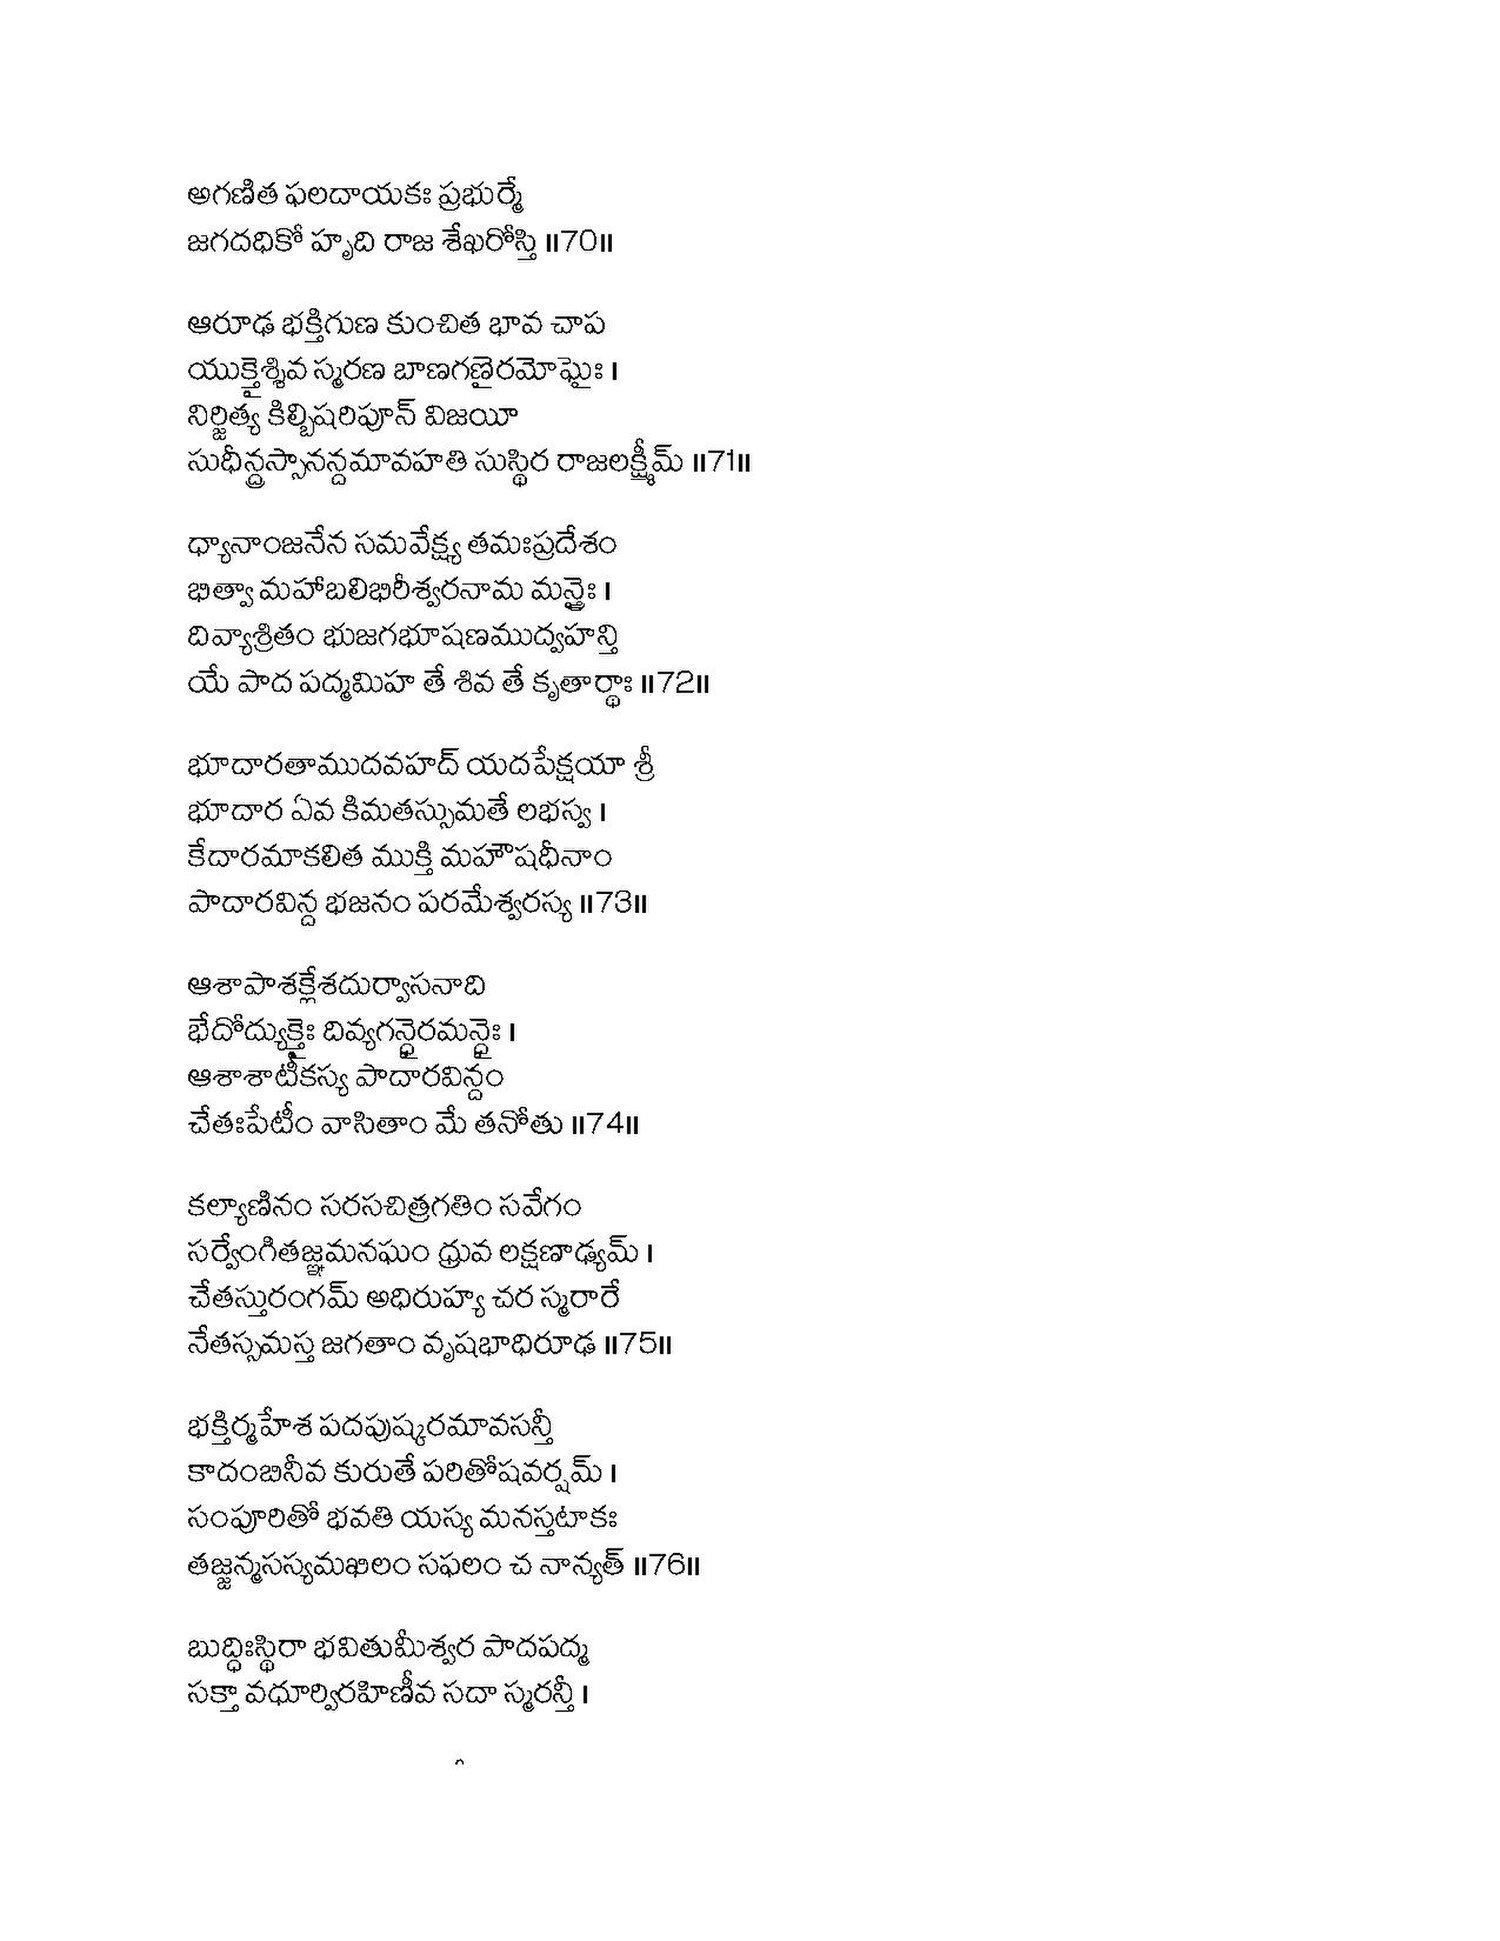అగణిత ఫలదాయకః ప్రభుర్మే
జగదధికోహృదిరాజ శేఖరోస్తి || 70 ||

ఆరూఢ భక్తిగుణ కుంచిత భావ చాప
యుక్తైశ్శివ స్మరణ బాణగణైరమోఘైః |
నిర్జిత్య కిల్బిషరిపూన్ విజయీ
సుధీన్ద్రస్సానన్దమావహతి సుస్థిర రాజలక్ష్మీమ్ ||71||

ధ్యానాంజనేన సమవేక్ష్య తమఃప్రదేశం
భిత్వా మహాబలిభిరీశ్వరనామ మన్త్రైః |
దివ్యాశ్రితం భుజగభూషణముద్వహన్తి 
యే పాద పద్మమిహ తే శివ తే కృతార్థాః || 72|| 

భూదారతాముదవహద్ యదపేక్షయాశ్రీ
భూదార ఏవ కిమతస్సుమతే లభస్వ |
కేదారమాకలిత ముక్తి మహౌషధీనాం
పాదారవిన్ద భజనం పరమేశ్వరస్య ||73||

ఆశాపాశక్లేశదుర్వాసనాది
భేధోద్యుక్తైః దివ్యగన్ధై రమన్దైః |
ఆశాశాటీకస్య పాదారవిన్దం 
చేతఃపేటీం వాసితాం మే తనోతు ||74||

కల్యాణినం సరసచిత్రగతిం సవేగం
సర్వేంగితజ్ఞమనఘం ధ్రువ లక్షణాఢ్యమ్ |
చేతస్తురంగమ్ అధిరుహ్య చరస్మరారే
నేతస్సమస్త జగతాం వృషభాధిరూఢ ||75||

భక్తిర్మహేశ పదపుష్కరమావసన్తీ 
కాదంబనీవ కురుతే పరితోషవర్షమ్ |
సంపూరితో భవతి యస్యమనస్తటాకః
తజ్జన్మసస్యమఖిలం సఫలం చ నాన్యత్ ||76||

బుద్ధిఃస్థిరా భవితుమీశ్వర పాదపద్మ
సక్తా వధూర్విరహిణీవసదా స్మరన్తీ|